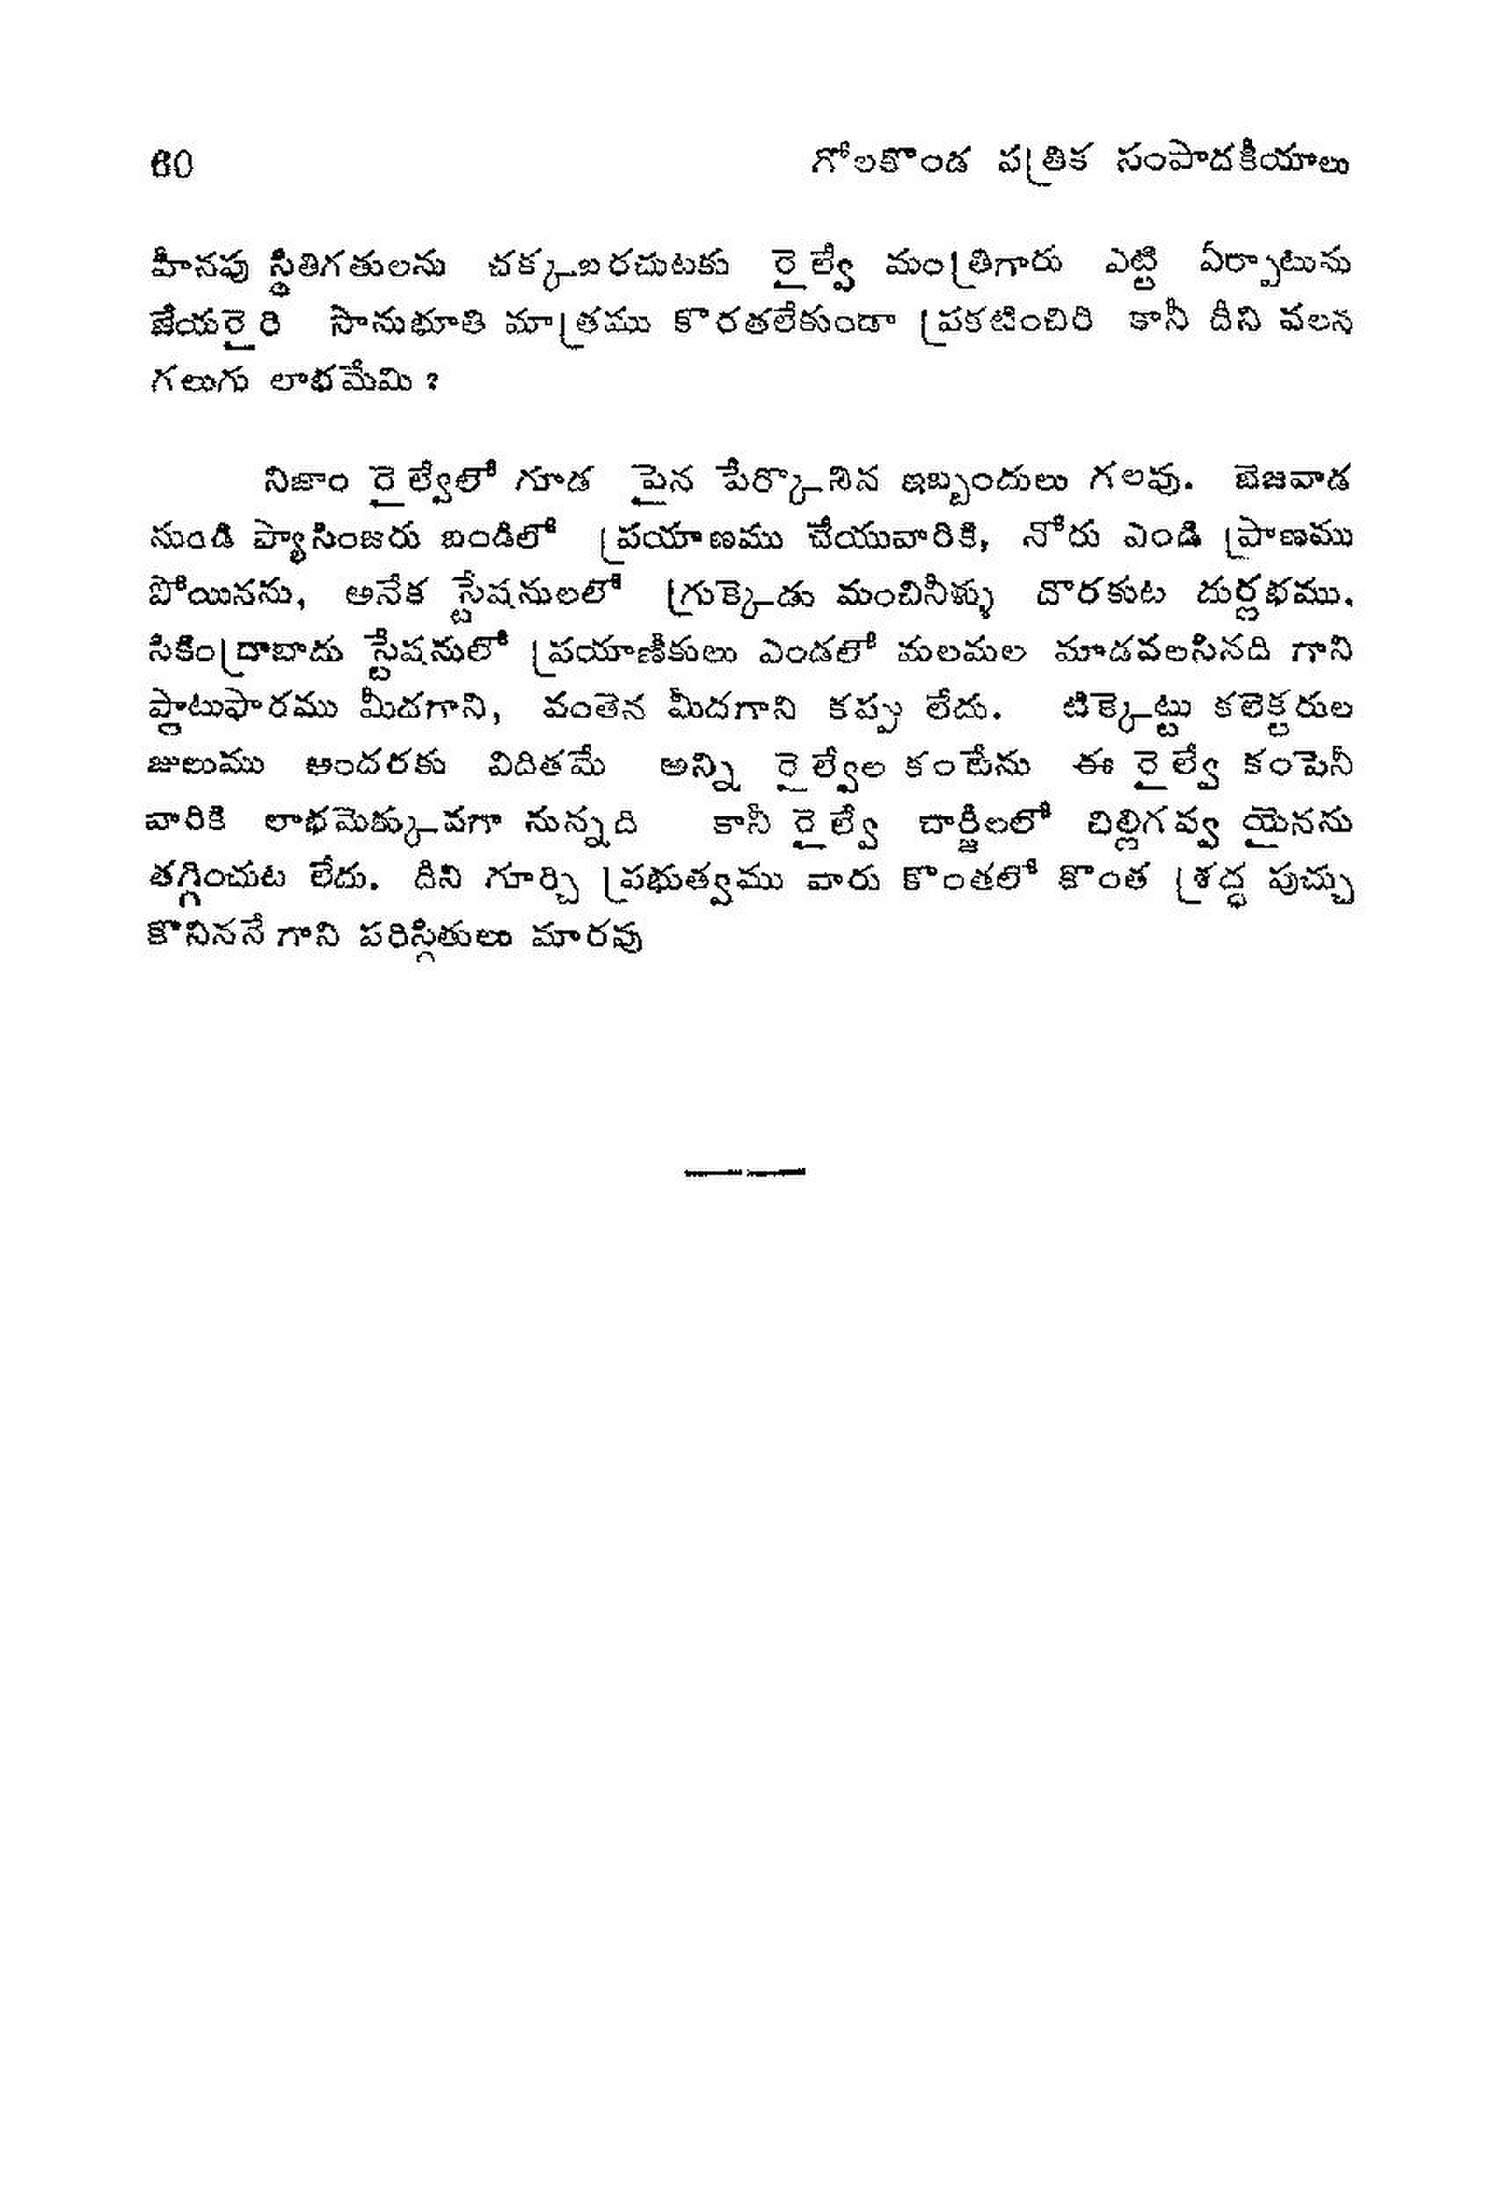హీనపు స్థితిగతులను చక్కబరచుటకు రైల్వే మంత్రిగారు ఎట్టి ఏర్పాటును జేయరైరి సానుభూతి మాత్రము కొరతలేకుండా ప్రకటించిరి కానీ దీని వలన గలుగు లాభమేమి ?

నిజాం రైల్వేలో గూడ పైన పేర్కొనిన ఇబ్బందులు గలవు. బెజవాడ నుండి ప్యాసింజరు బండిలో ప్రయాణము చేయువారికి, నోరు ఎండి ప్రాణము పోయినను, అనేక స్టేషనులలో గుక్కెడు మంచినీళ్ళు దొరకుట దుర్లభము.
సికింద్రాబాదు స్టేషనులో ప్రయాణీకులు ఎండలో మలమల మాడవలసినది గాని ప్లాటుఫారము మీదగాని, వంతెన మీదగాని కప్పు లేదు. టిక్కెట్టు కలెక్టరుల జులుము అందరకు విదితమే అన్ని రైల్వేల కంటేను ఈ రైల్వే కంపెనీ వారికి లాభమెక్కువగా నున్నది కానీ రైల్వే చార్జీలలో చిల్లిగవ్వ యైనను తగ్గించుట లేదు. దీని గూర్చి ప్రభుత్వము వారు కొంతలో కొంత శ్రద్ధ పుచ్చుకొనిననే గాని పరిస్థితులు మారవు